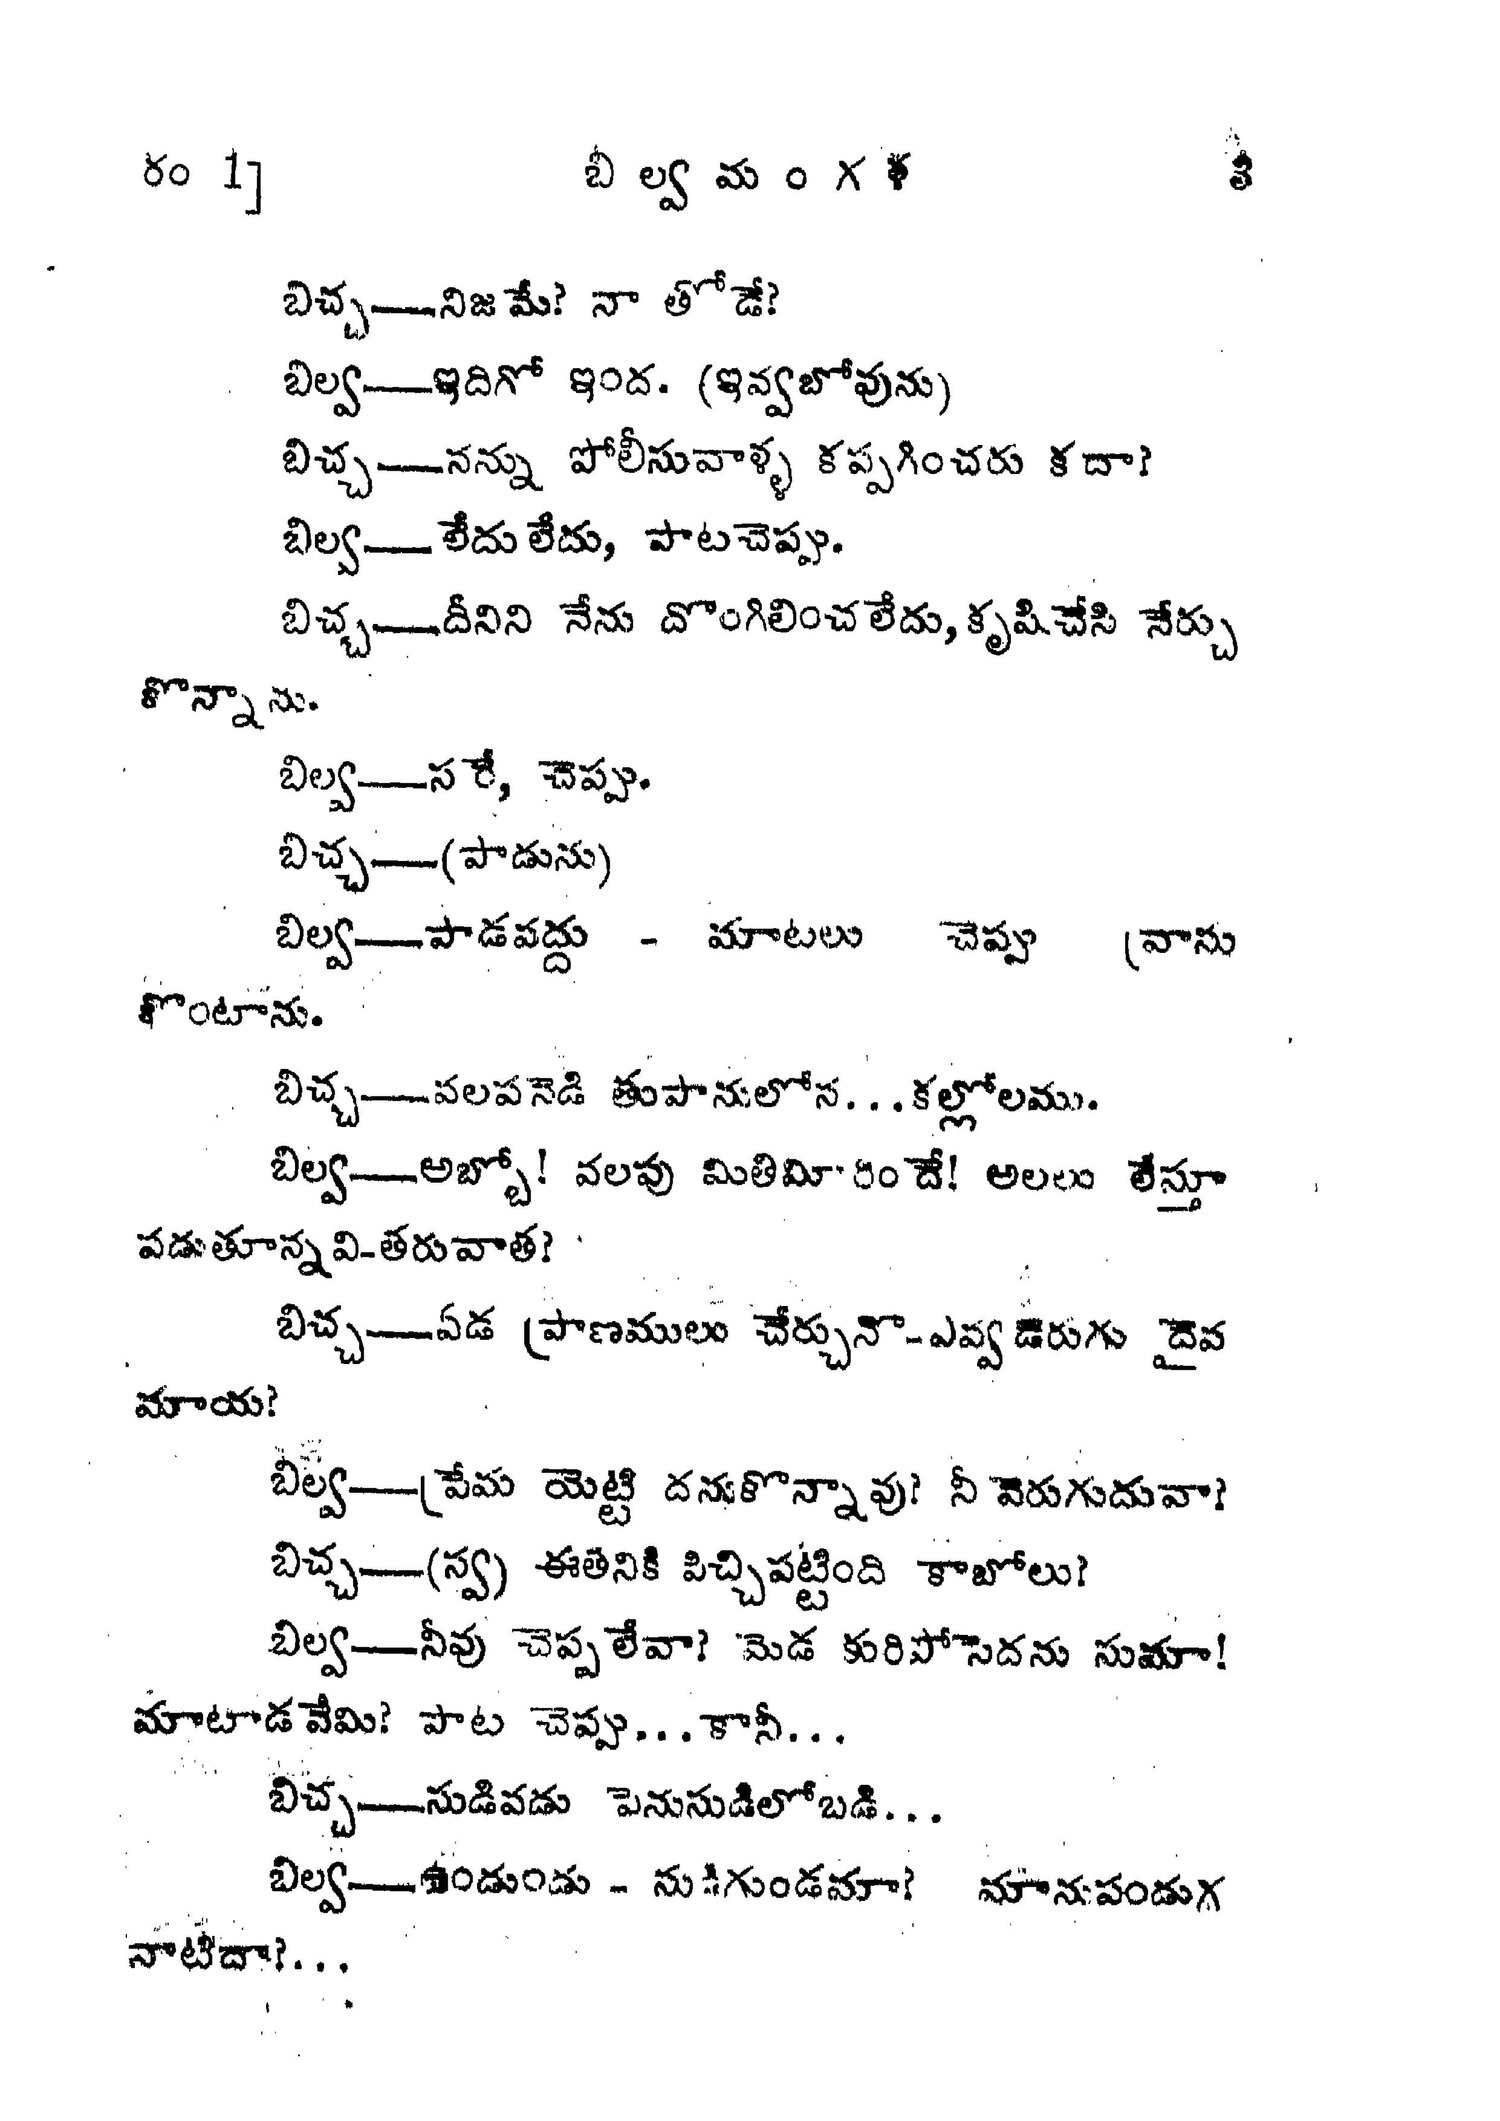బిచ్చ - నిజమే? నా తోడే?

బిల్వ - ఇదిగో ఇంద. (ఇవ్వబోవును)

బిచ్చ - నన్ను పోలీసువాళ్ళ కప్పగించరు కదా?

బిల్వ - లేదులేదు, పాటచెప్పు.

బిచ్చ - దీనిని నేను దొంగలించలేదు, కృషిచేసి నేర్చుకొన్నాను.

బిల్వ - సరే, చెప్పు.

బిచ్చ - (పాడును)

బిల్వ - పాడవద్దు - మాటలు చెప్పు వ్రాసుకొంటాను.

బిచ్చ - వలపనెడి తుపానులోన...కల్లోలము.

బిల్వ - అబ్బో! వలపు మితిమీరందే! అలలు లేస్తూ పడుతూన్నవి - తరువాత?

బిచ్చ - ఏడ ప్రాణములు చేర్చునొ - ఎవ్వడెరుగు దైవ మాయ?

బిల్వ - ప్రేమ యెట్టి దనుకొన్నావు? నీ వెరుగుదువా?

బిచ్చ - (న్వ) ఈతనికి పిచ్చిపట్టింది కాబోలు?

బిల్వ - నీవు చెప్పలేవా? మెడ కురిపోసెదను సుమా! మాటాడవేమి? పాట చెప్పు...కానీ...

బిచ్చ _ సుడివడు పెనుసుడిలోబడి...

బిల్వ - ఉండుండు - సుడిగుండమా? మానుపండుగ నాటిదా?...